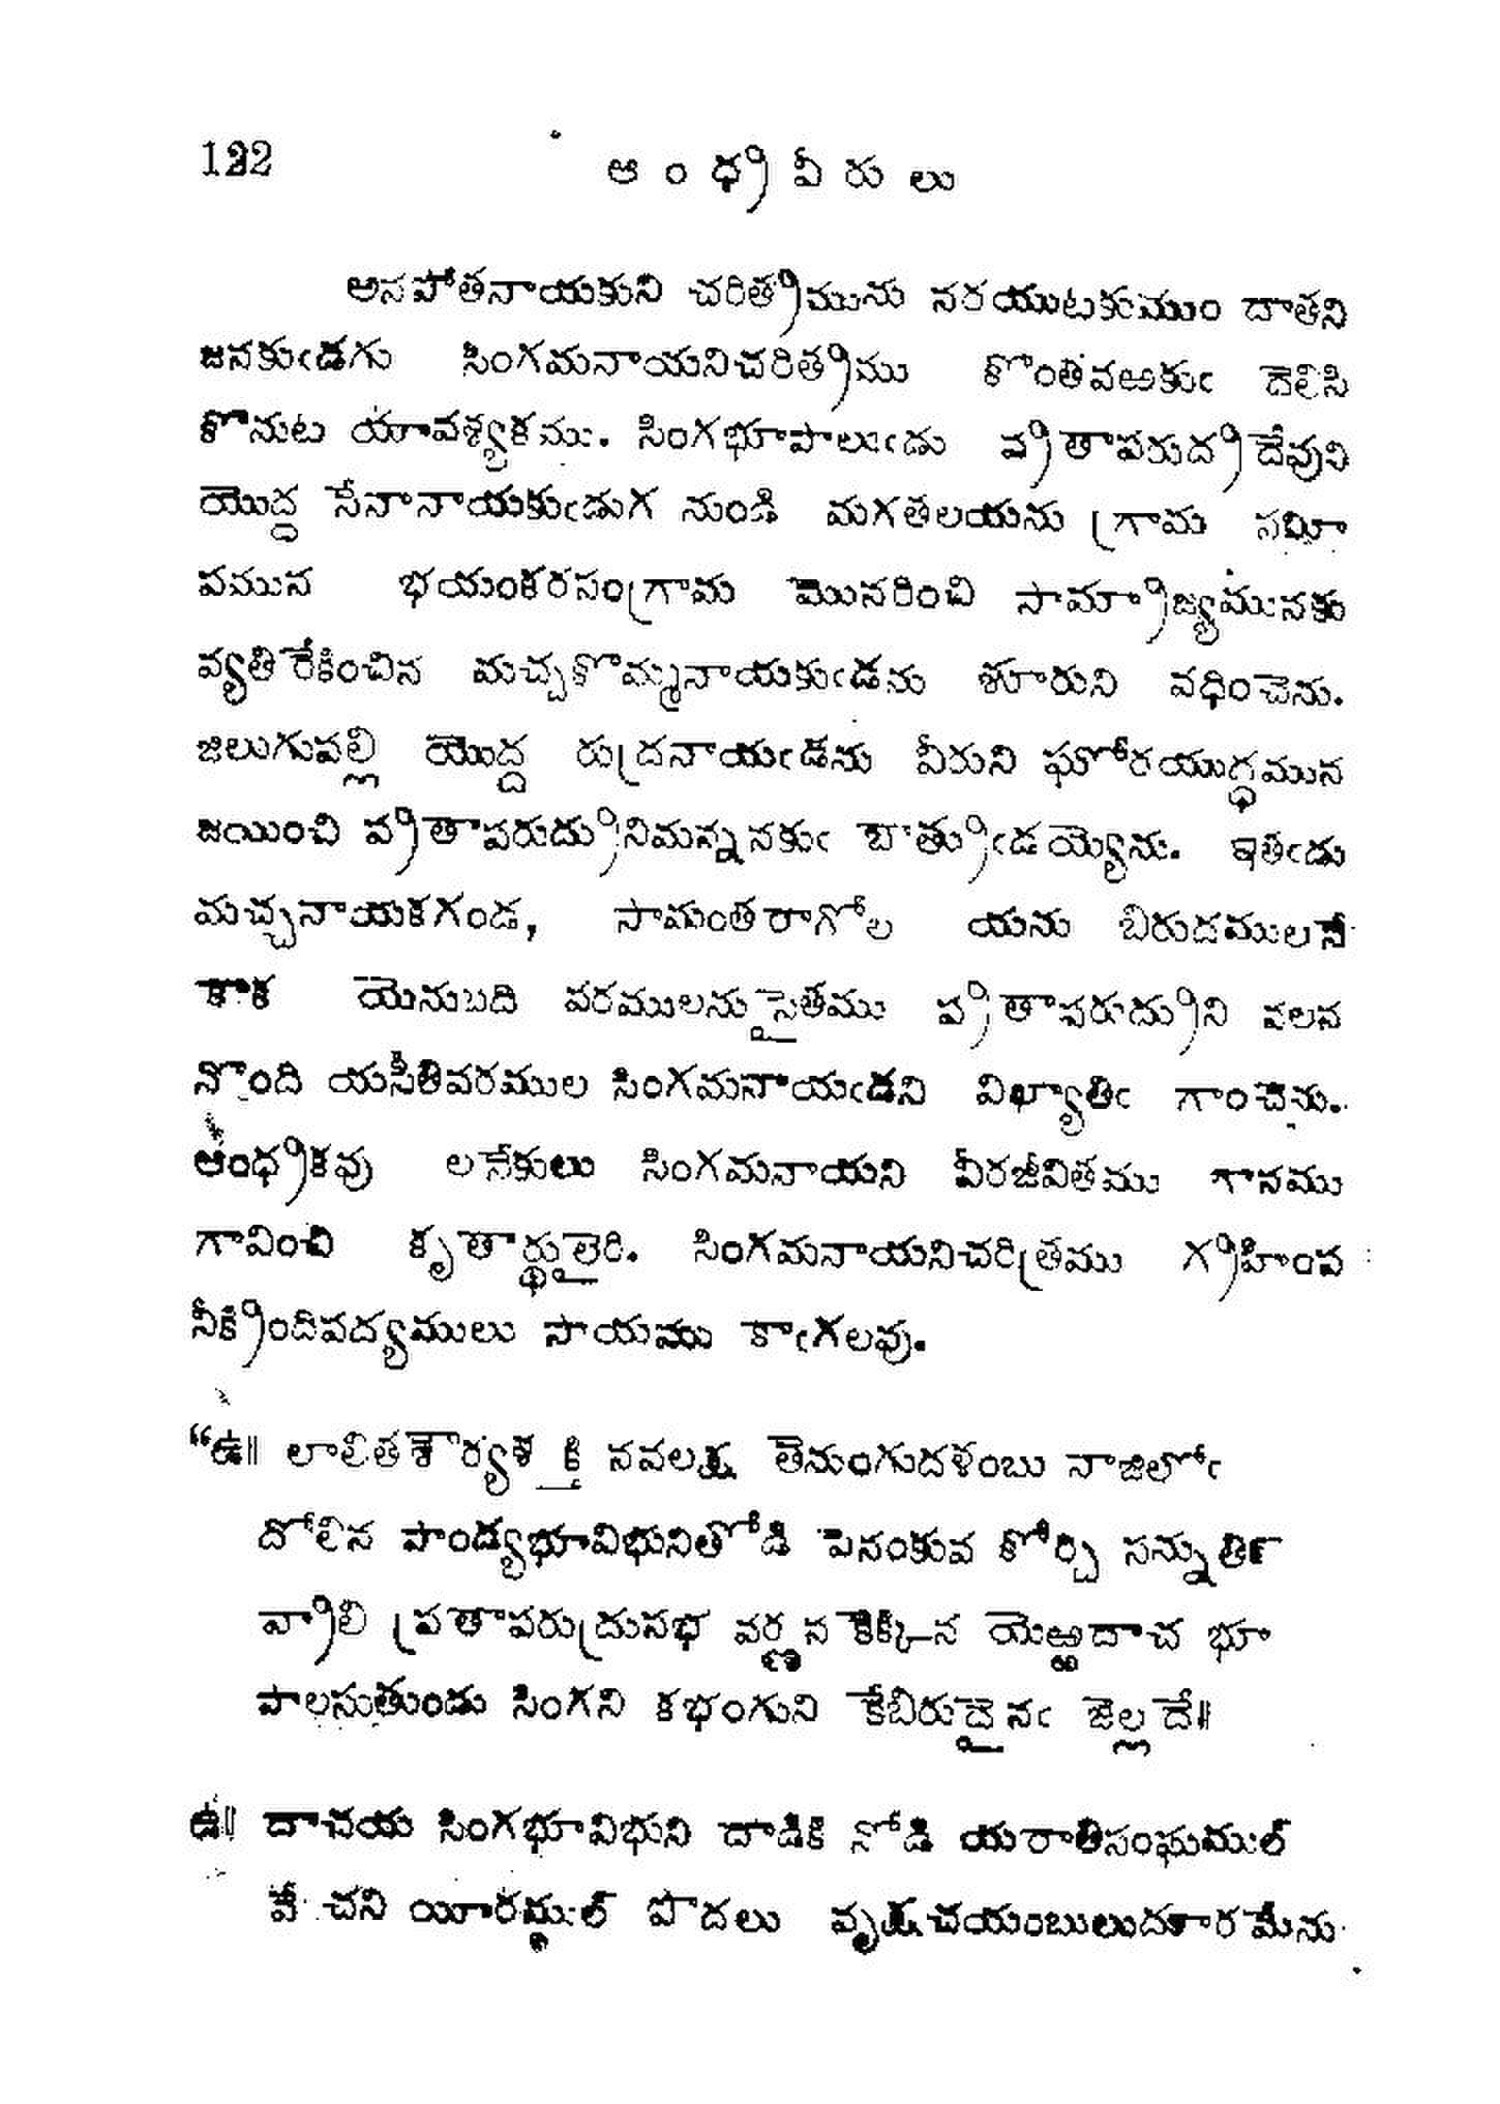అనపోతనాయకుని చరిత్రమును నరయుటకుముం దాతని జనకుడగు సింగమనాయనిచరిత్రము కొంతవఱకు దెలిసి కొనుట యావశ్యకము. సింగభూపాలుడు ప్రతాపరుద్రదేవుని యొద్ద సేనానాయకుడుగ నుండి మగతలయను గ్రామ సమీపమున భయంకరసంగ్రామ మొనరించి సామ్రాజ్యమునకు వ్యతిరేకించిన మచ్చకొమ్మనాయకుడను శూరుని వధించెను. జిలుగుపల్లి యొద్ద రుద్రనాయడను వీరుని ఘోరయుద్ధమున జయించి ప్రతాపరుద్రునిమన్ననకు బాత్రుడయ్యెను. ఇతడు మచ్చనాయకగండ, సామంతరాగోల యను బిరుదములనే కాక యెనుబది వరములనుసైతము ప్రతాపరుద్రుని వలన నొంది యసీతివరముల సింగమనాయడని విఖ్యాతి గాంచెను. ఆంధ్రకవు లనేకులు సింగమనాయని వీరజీవితము గానము గావించి కృతార్థులైరి. సింగమనాయనిచరిత్రము గ్రహింప నీక్రిందిపద్యములు సాయము కాగలవు.

"ఉ|| లాలితశౌర్యశక్తి నవలక్ష తెనుంగుదళంబు నాజిలో
 దోలిన పాండ్యభూవిభునితోడి పెసంకువ కోర్చి సన్నుతిన్
 వ్రాలి ప్రతాపరుద్రుసభ వర్ణనకెక్కిన యెఱ్ఱదాచ భూ
 పాలసుతుండు సింగని కభంగుని కేబిరుదైన జెల్లదే||

ఉ|| దాచయ సింగభూవిభుని దాడికి నోడి యరాతిసంఘముల్
 వే చని యీరముల్ పొదలు వృక్షచయంబులుదూరమేను